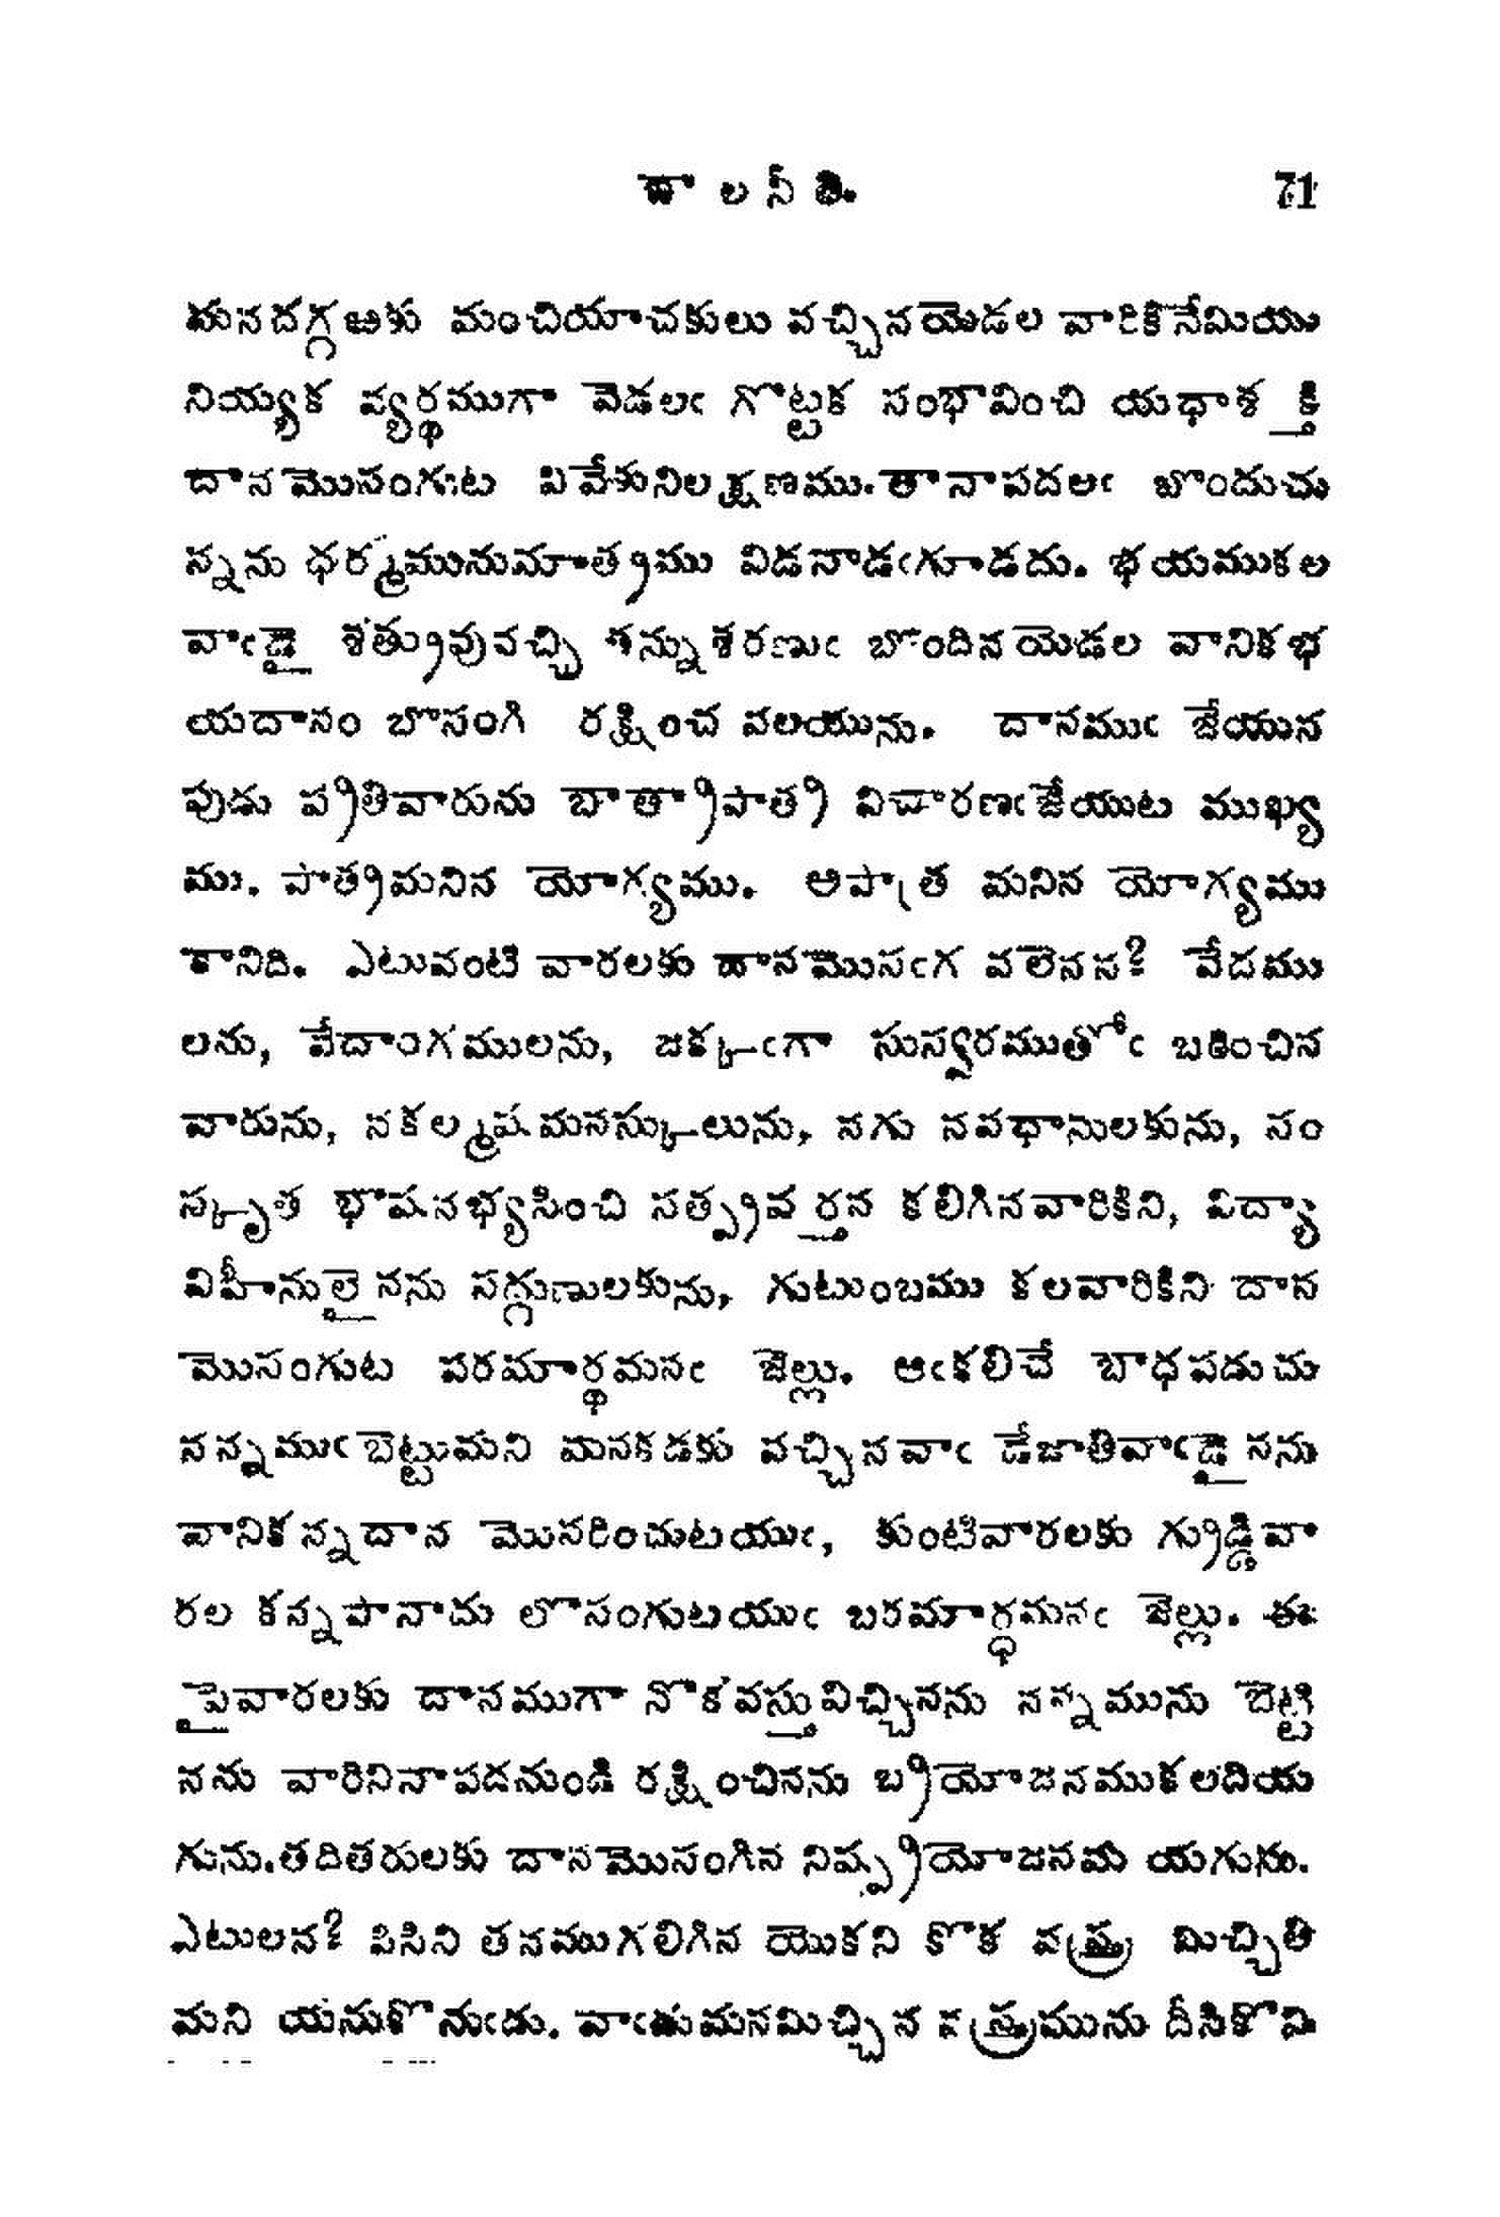మనదగ్గఱకు మంచియాచకులు వచ్చినయెడల వారికినేమియు 
నియ్యక వ్యర్థముగా వెడలఁ గొట్టక సంభావించి యధాశక్తి 
దానమొసంగుట వివేకునిలక్షణము. తానాపదలఁ బొందుచు
న్నను ధర్మమునుమాత్రము విడనాడఁగూడదు. భయముకల
వాఁడై శత్రువువచ్చి తన్నుశరణుఁ బొందినయెడల వానికభ
యదానం బొసంగి రక్షించ వలయును. దానముఁ జేయున
పుడు ప్రతివారును బాత్రాపాత్ర విచారణఁజేయుట ముఖ్య
ము. పాత్రమనిన యోగ్యము. అపాత్ర మనిన యోగ్యము 
కానిది. ఎటువంటి వారలకు దానమొసఁగ వలెనన? వేదము
లను, వేదాంగములను, జక్కఁగా సుస్వరముతోఁ బఠించిన 
వారును, నకల్మషమనస్కులును, నగు నవధానులకును, సం
స్కృత భాషనభ్యసించి సత్ప్రవర్తన కలిగినవారికిని, విద్యా
విహీనులైనను సద్గుణులకును, గుటుంబము కలవారికిని దాన 
మొసగుట పరమార్థమనఁ జెల్లు. ఆఁకలిచే బాధపడుచు
నన్నముఁబెట్టుమని మనకడకు వచ్చినవాఁ డేజాతివాఁడైనను 
వానికన్నదాన మొనరించుటయుఁ, కుంటివారలకు గ్రుడ్డివా
రల కన్నపానాదు లొసంగుటయుఁ బరమార్ధమనఁ జెల్లు. ఈ 
పైవారలకు దానముగా నొకవస్తువునిచ్చినను నన్నమును బెట్టి
నను వారినినాపదనుండి రక్షించినను బ్రయోజనముకలదియ
గును. తదితరులకు దానమొసంగిన నిష్ప్రయోజనమ యగును. 
ఎటులన? పిసిని తనముగలిగిన యొకని కొక వస్త్ర మిచ్చితి
మని యనుకొనుఁడు. వాఁడుమనమిచ్చిన వస్త్రమును దీసికొని